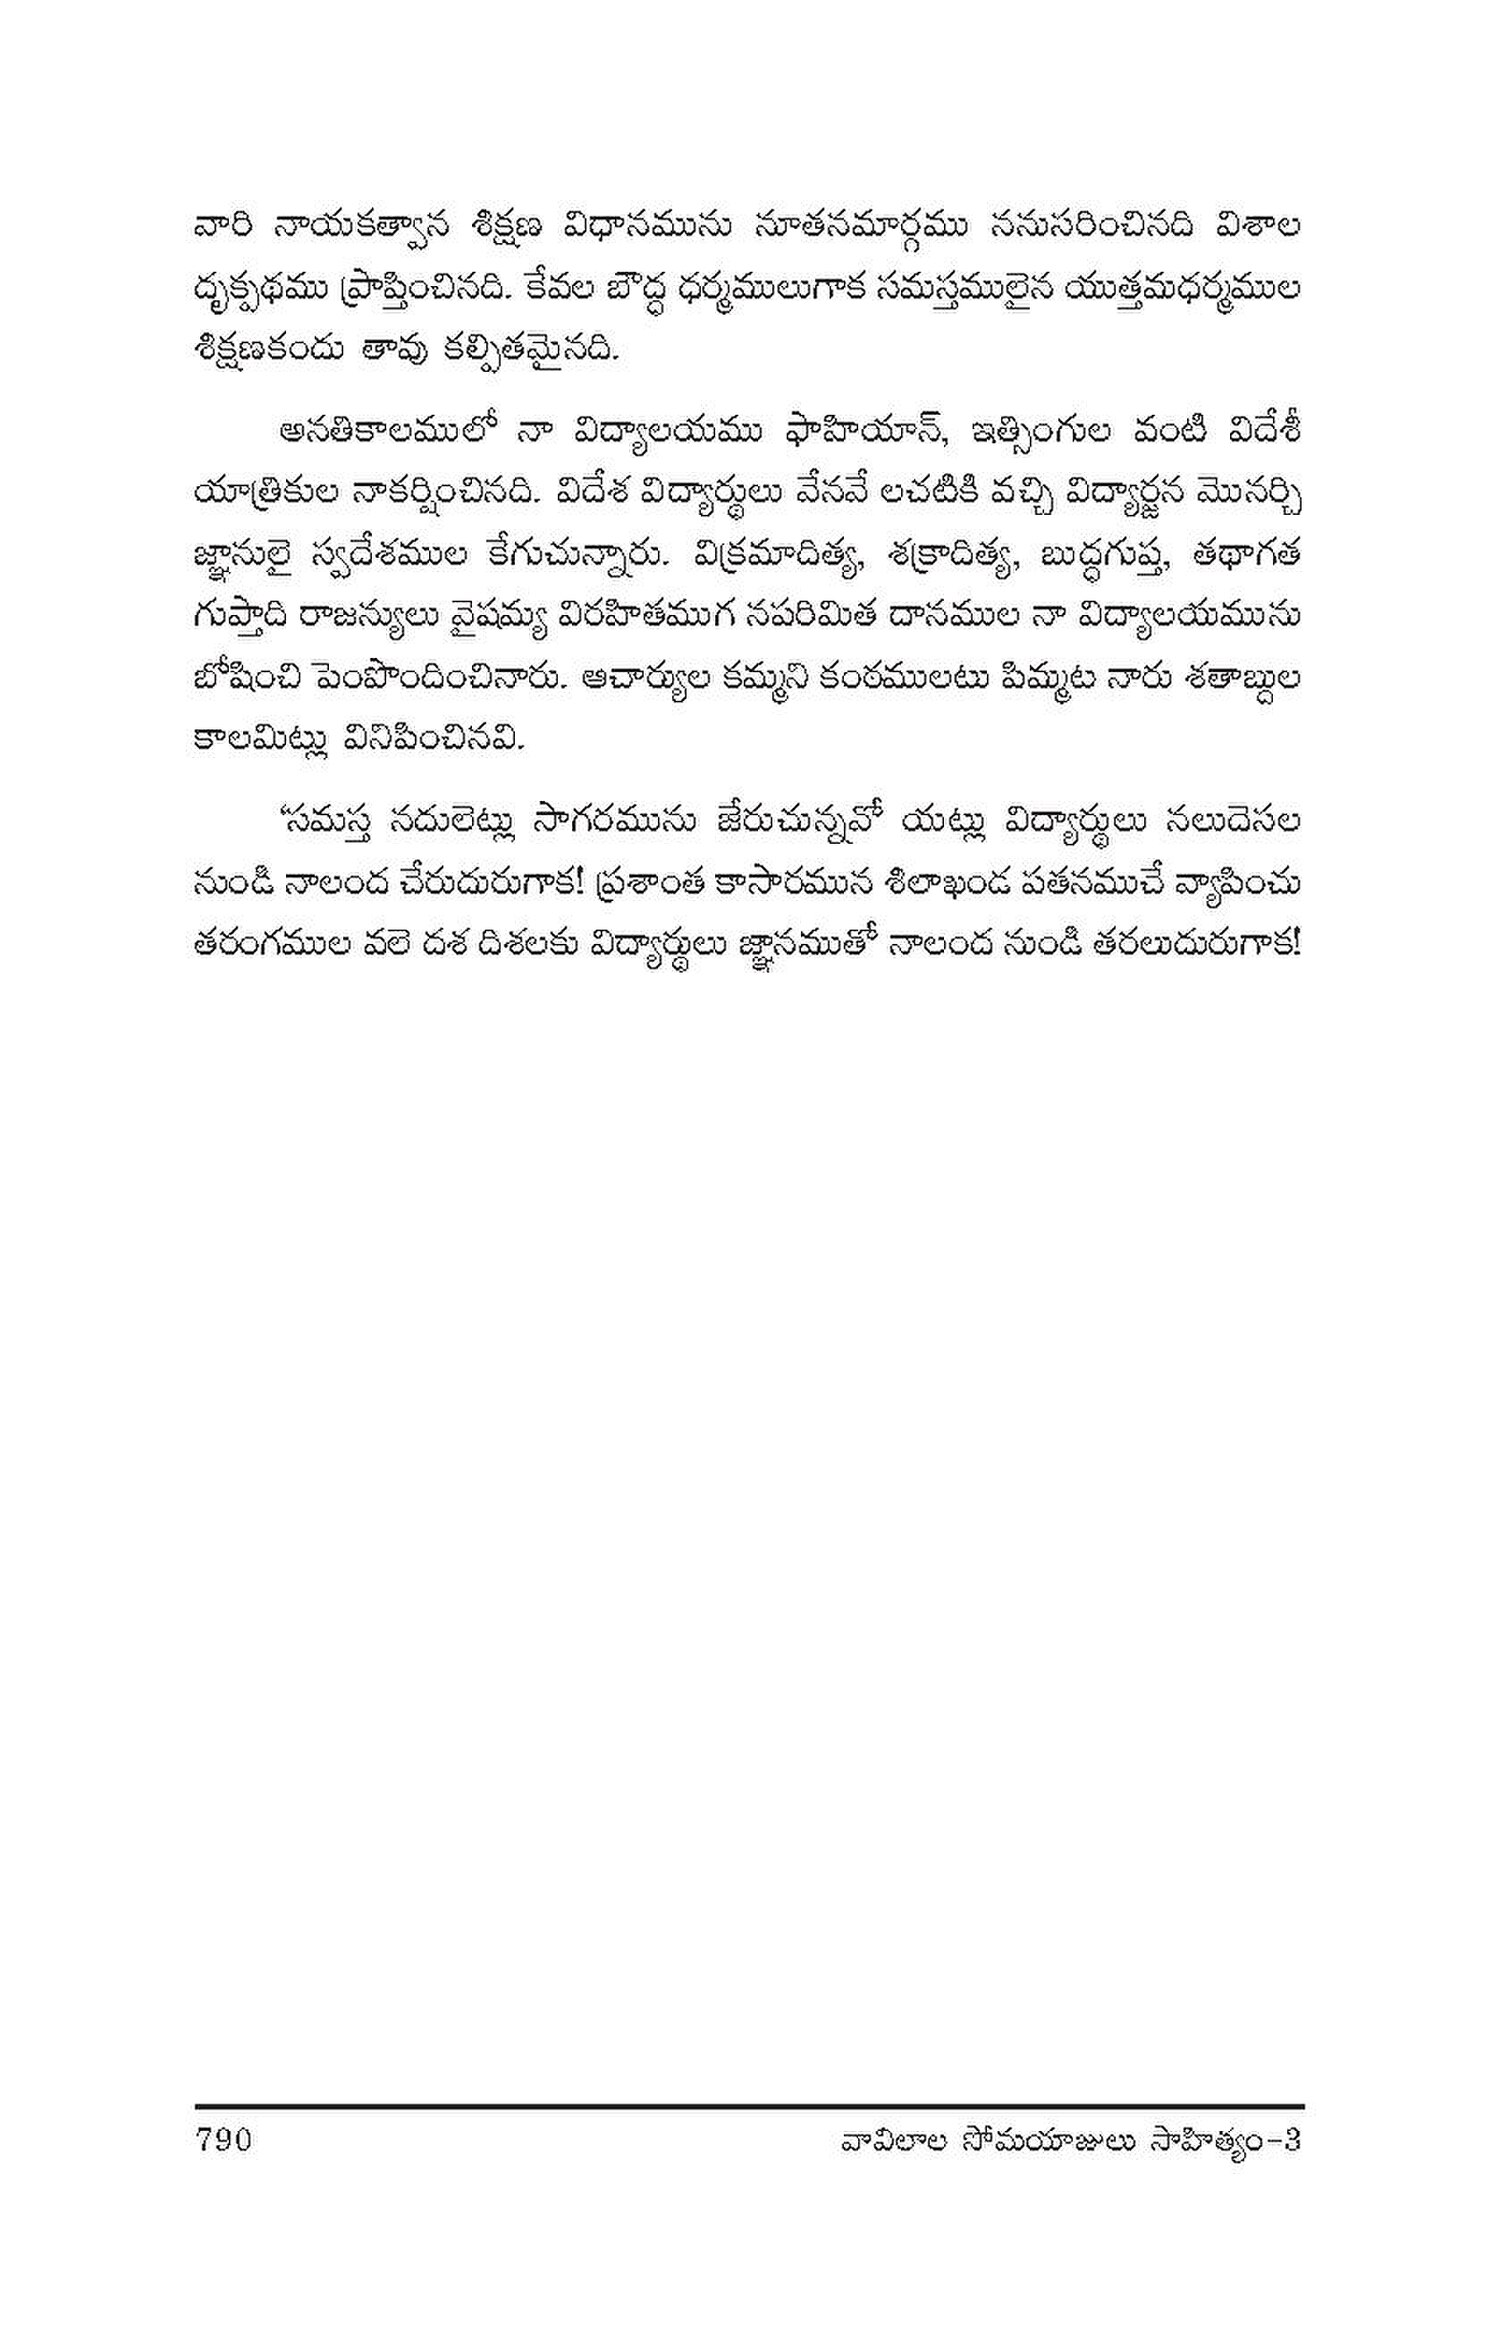వారి నాయకత్వాన శిక్షణ విధానమును నూతనమార్గము ననుసరించినది విశాల దృక్పథము ప్రాప్తించినది. కేవల బౌద్ధ ధర్మములుగాక సమస్తములైన యుత్తమధర్మముల
శిక్షణకందు తావు కల్పితమైనది.

అనతికాలములో నా విద్యాలయము ఫాహియాన్, ఇత్సింగుల వంటి విదేశీ యాత్రికుల నాకర్షించినది. విదేశ విద్యార్థులు వేనవే లచటికి వచ్చి విద్యార్జన మొనర్చి జ్ఞానులై స్వదేశముల కేగుచున్నారు. విక్రమాదిత్య, శక్రాదిత్య, బుద్ధగుప్త, తథాగత
గుప్తాది రాజన్యులు వైషమ్య విరహితముగ నపరిమిత దానముల నా విద్యాలయమును బోషించి పెంపొందించినారు. ఆచార్యుల కమ్మని కంఠములటు పిమ్మట నారు శతాబ్దుల
కాలమిట్లు వినిపించినవి.

'సమస్త నదులెట్లు సాగరమును జేరుచున్నవో యట్లు విద్యార్థులు నలుదెసల నుండి నాలంద చేరుదురుగాక! ప్రశాంత కాసారమున శిలాఖండ పతనముచే వ్యాపించు
తరంగముల వలె దశ దిశలకు విద్యార్థులు జ్ఞానముతో నాలంద నుండి తరలుదురుగాక!